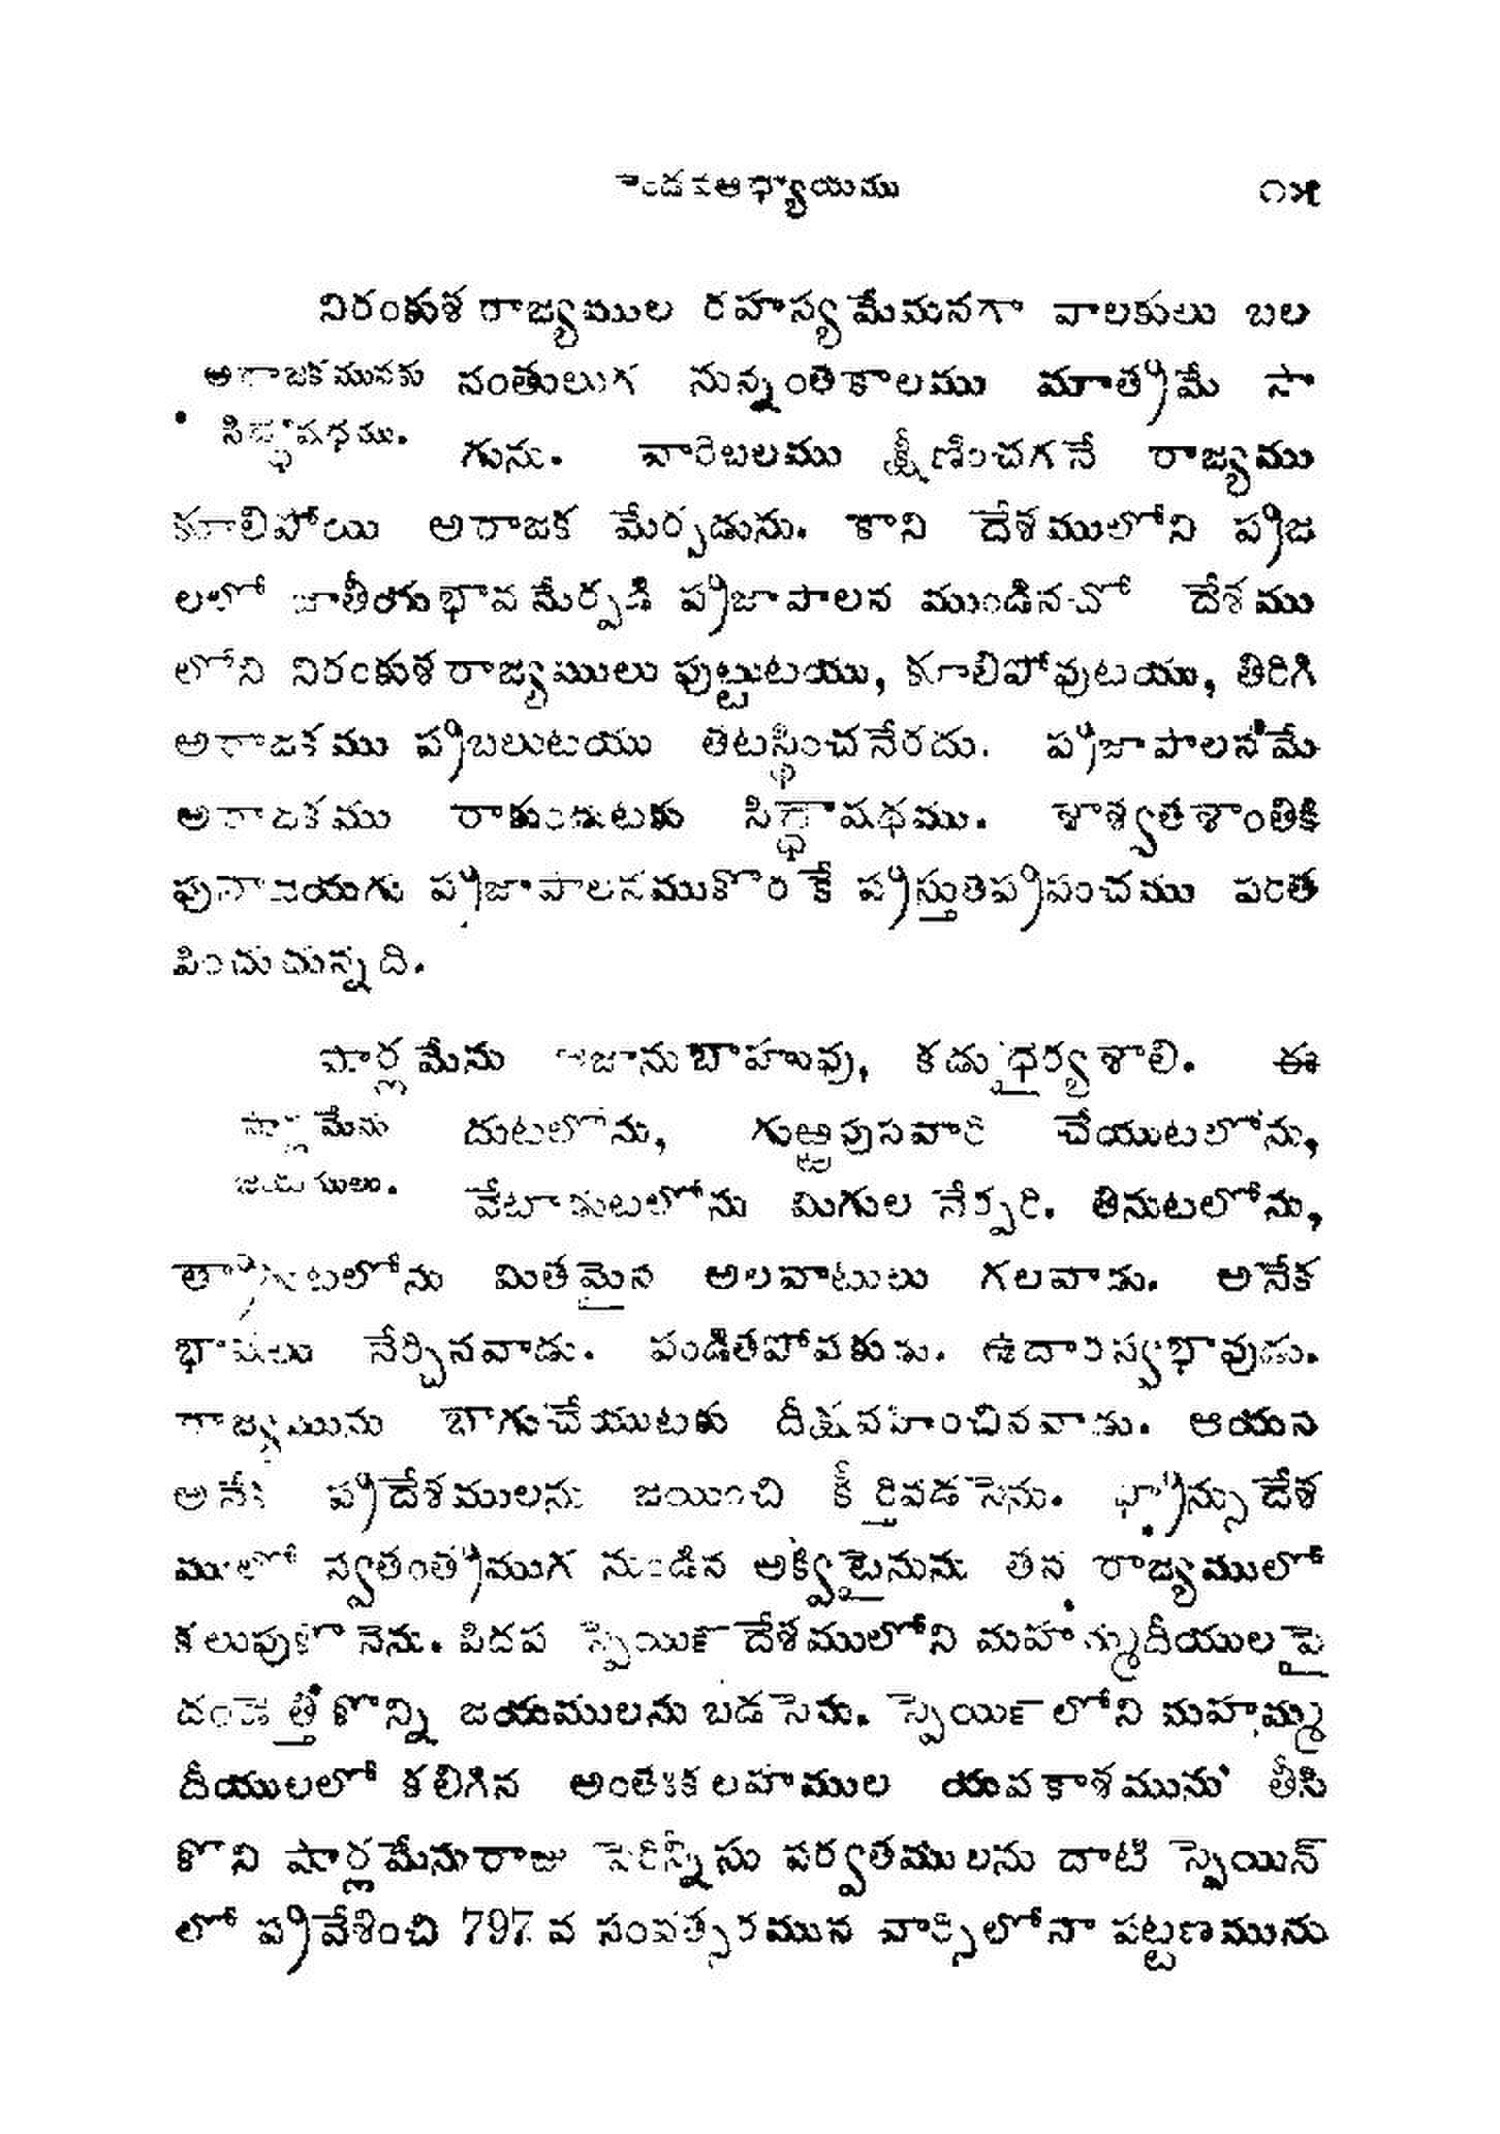ఆరాజకమునకు
సిద్దౌషదము
నిరంకుశ రాజ్యముల రహస్య మేమనగా పాలకులు బల
వంతులుగ నున్నంత కాలము మాత్రమే సాగును..
వారి బలము క్షీణించగనే రాజ్యము కూలిపోయి అరాజక మేర్పడును. కాని దేశములోని ప్రజ
లలో జాతీయ భావ మేర్పడి ప్రజాపాలన ముండినచో దేశము
లోని నిరంకుశ రాజ్యములు పుట్టుటయు, కూలిపోవుటయు, తిరిగి
అరాజకము ప్రబలుటయు తటస్థించ నేరదు. ప్రజా పాలన మే
అరాజకము రాకుండుటకు సిద్దౌషదము. శాశ్వత శాంతికి
పునాదియగు ప్రజా పాలనముకొర కే ప్రస్తుత ప్రపంచము పరిత
పించు చున్నది.

షార్లమేను 
జయములు
షార్ల మేను అజాను బాహువు, కడు 'ధైర్యశాలి.గుఱ్ఱపు సవారి చేయుటలోను,
వేటాడుటలోను మిగుల నేర్పరి. తినుటలోను,
త్రాగుట లోను మితమైన అలవాటులు గలవాడు. అనేక 
భాషలు నేర్చినవాడు. పండితపోషకుడు. ఉదారస్వభావుడు,
రాజ్యమును బాగు చేయుటకు దీక్షవహించిన వాడు. ఆయన
అనేక ప్రదేశములను జయించి కీర్తివడ సెను. ఫ్రాన్సు దేశ
స్వతంత్రముగ నుండిన అక్విటైనును. తన రాజ్యములో
కలుపుకొ నెను. పిదప స్పెయిన్ దేశములోని మహమ్మదీయుల పై
దండెత్తి కొన్ని జయములను బడసెను. స్పెయిన్ లోని మహమ్మ
దీయులలో కలిగిన అంతఃకలహముల యవకాశమును తీసి
కొని షార్ల మేను రాజు పెరిన్నీసు పర్వతములను దాటి స్పెయిన్
ప్రవేశించి 797 వ సంవత్సరమున వార్సిలోనా పట్టణమును